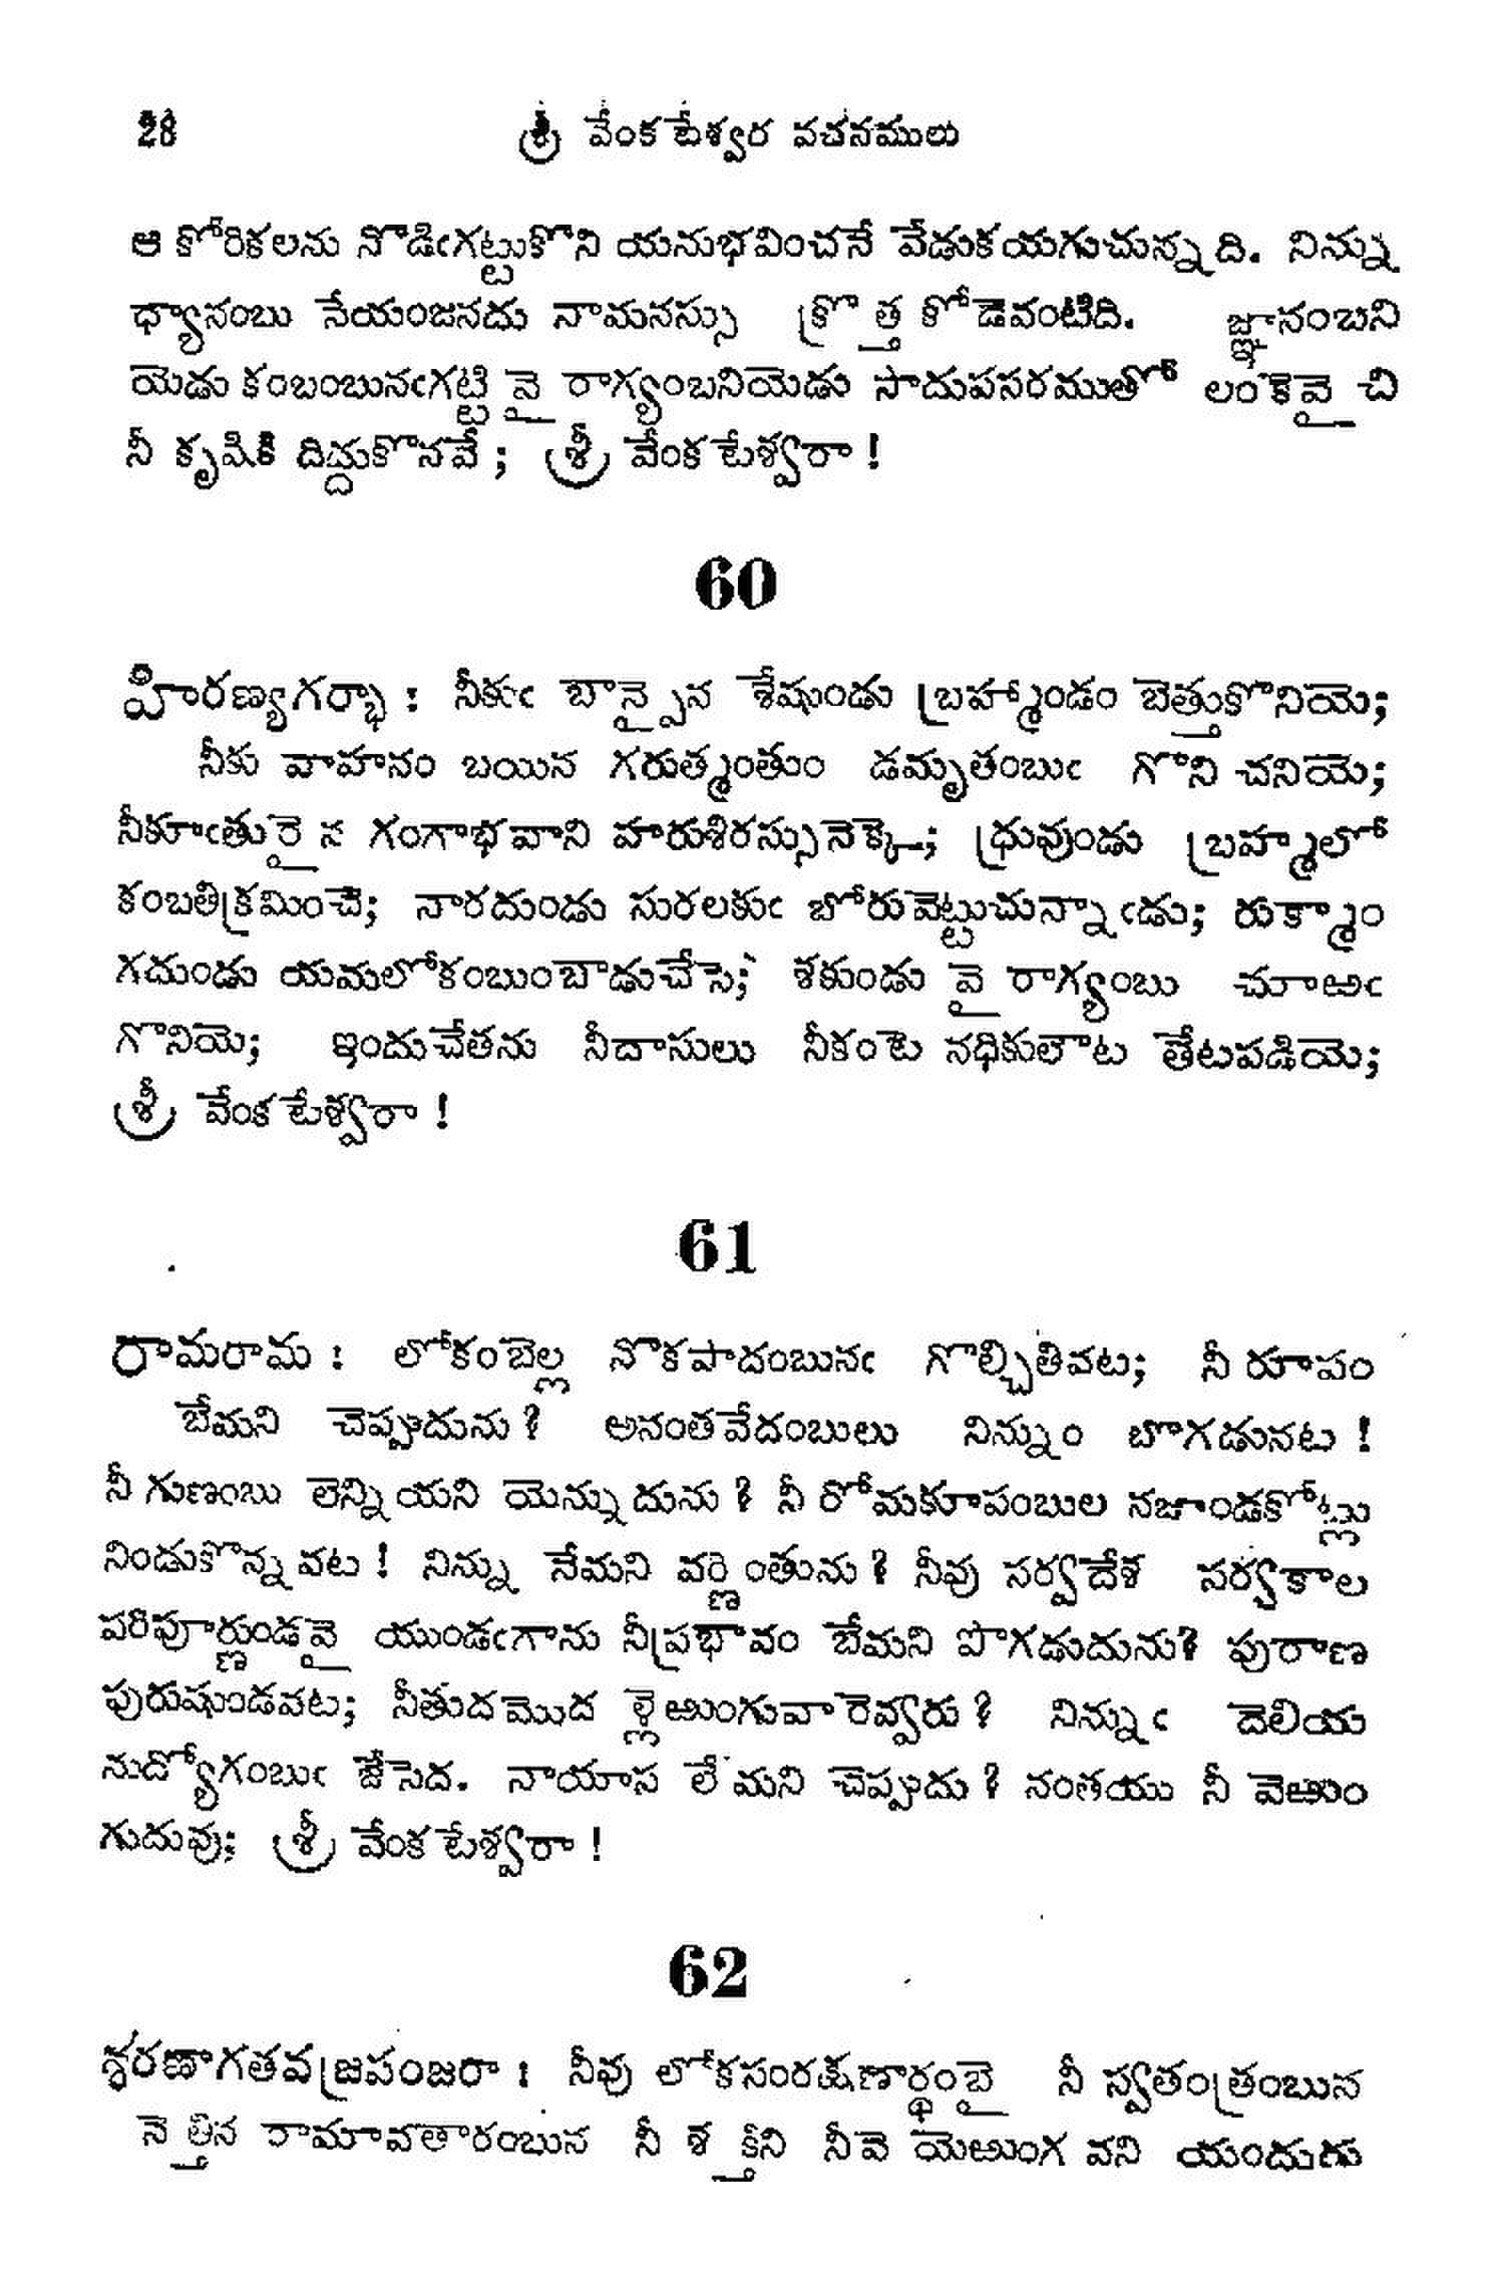ఆ కోరికలను నొడిఁగట్టుకొని యనుభవించనే వేడుకయగుచున్నది. నిన్ను ధ్యానంబు నేయంజనదు నామనస్సు క్రొత్త కోడెవంటిది. జ్ఞానంబని యెడు కంబంబునఁగట్టి వైరాగ్యంబనియెడు సాదుపసరముతో లంకె వైచి నీ కృషికి దిద్దుకొనవే ; శ్రీ వేంకటేశ్వరా !

60 

 : నీకుఁ బాన్పైన శేషుండు బ్రహ్మాండం బెత్తుకొనియె;
నీకు వాహనం బయిన గరుత్మంతుం డమృతంబుఁ గొని చనియె; నీకూతురైన గంగాభవాని హరుశిరస్సు నెక్కె; ధ్రువుండు బ్రహ్మలో కంబతిక్రమించె; నారదుండు సురలకుఁ బోరువెట్టుచున్నాఁడు; రుక్మాం గదుండు యమలోకంబుంబాడుచేసె; శకుండు వైరాగ్యంబు చూఱఁగొనియె; ఇందుచేతను నీదాసులు నీకంటె నధికులౌట తేటపడియె; శ్రీ వేంకటేశ్వరా !

61 

 : లోకంబెల్ల నొకపాదంబునఁ గొల్చితివట; నీరూపం '
బేమని చెప్పుదును? అనంత వేదంబులు నిన్నుం బొగడునట ! నీ గుణంబు లెన్ని యని యెన్నుదును ? నీ రోమకూపంబుల నజాండకోట్లు నిండుకొన్నవట ! నిన్ను నేమని వర్ణింతును ? నీవు సర్వదేశ సర్వకాల పరిపూర్ణుండవై యుండఁగాను నీప్రభావం బేమని పొగడుదును? పురాణ పురుషుండవట; నీతుద మొద ళ్లెఱుంగువా రెవ్వరు? నిన్నుఁ దెలియ నుద్యోగంబుఁ జేసెద. నాయాస లేమని చెప్పుదు ? నంతయు నీ వెఱుంగుదువు: శ్రీ వేంకటేశ్వరా !

62 

 ! నీవు లోకసంరక్షణార్థంబై నీ స్వతంత్రంబున నెత్తిన రామావతారంబున నీ శక్తిని నీవె యెఱుంగ వని యందురు